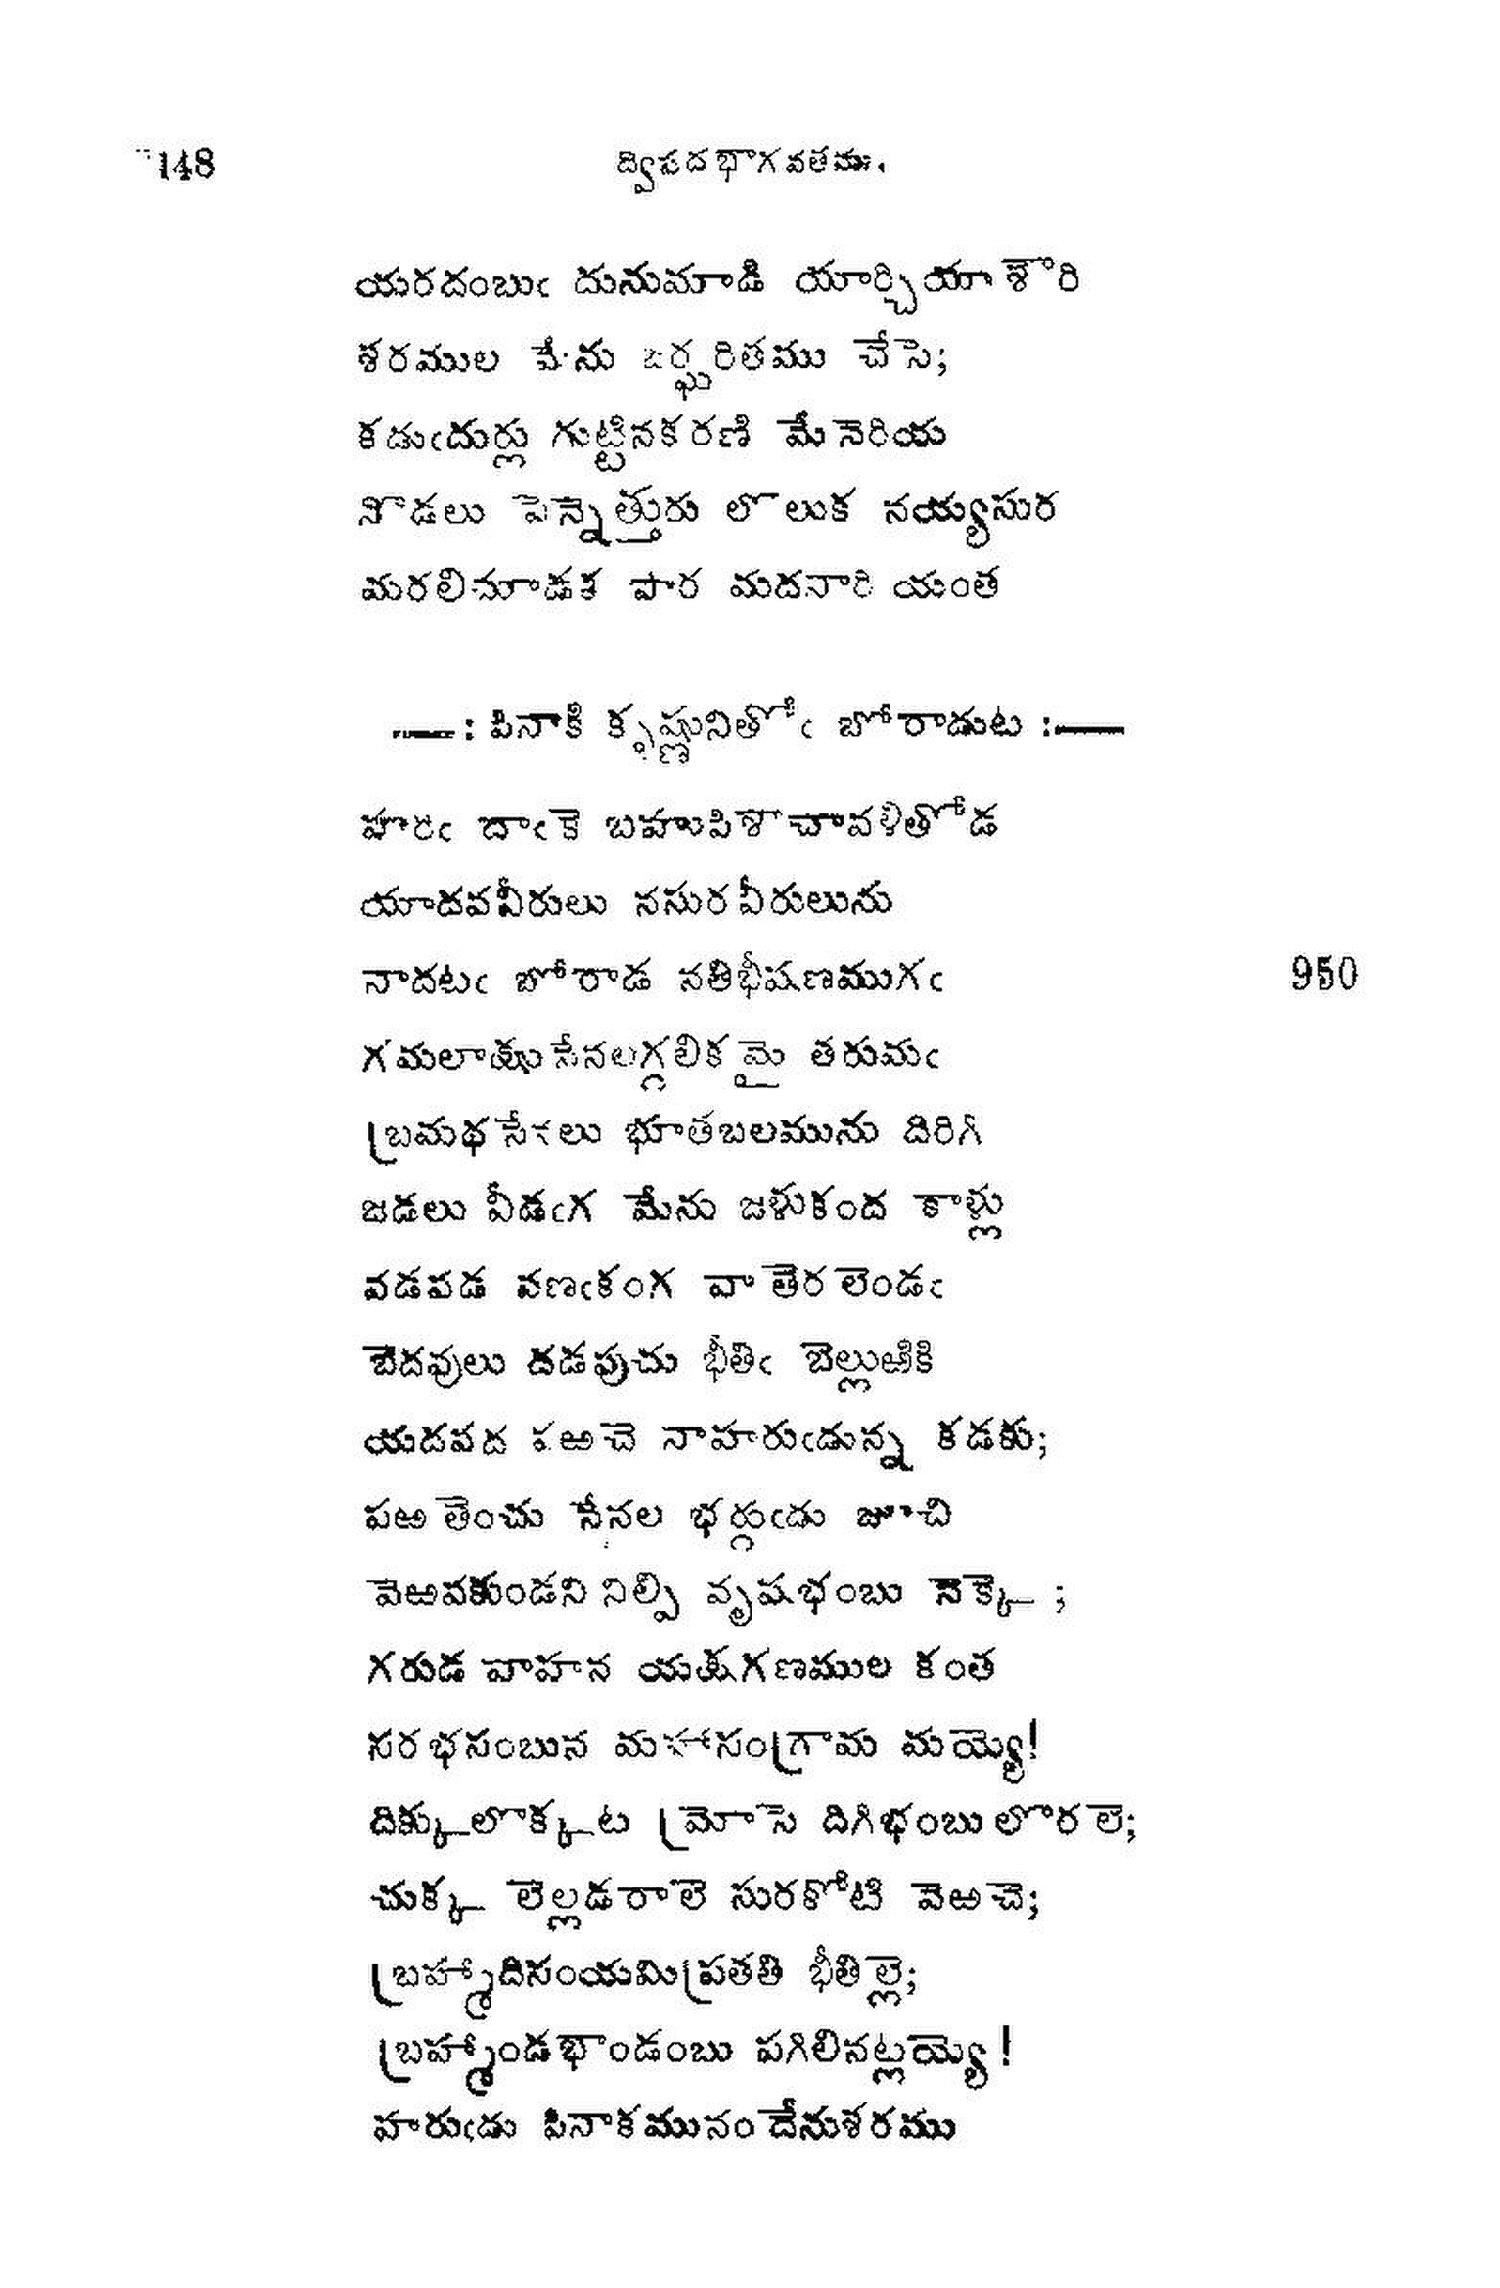యరదంబుఁ దునుమాడి యార్చియాశౌరి
శరముల మేను జర్ఘరితము చేసె; 
కడుఁదుర్లు గుట్టినకరణి మేనెరియ
నొడలు పెన్నెత్తురులొలుక నయ్యసుర
మరలిచూడక పార మదనారి యంత

హరిఁ దాఁకె బహుపిశాచావళితోడ 
యాదవవీరులు నసురవీరులును
నాదటఁ బోరాడ నతిభీషణముగఁ
గమలాక్షుసేనలగ్గలికమై తరుమఁ 
బ్రమథసేనలు భూతబలమును దిరిగి
జడలు వీడఁగ మేను జళుకంద కాళ్లు
వడవడ వణఁకంగ వాతెరలెండఁ
బెదవులు దడవుచు భీతిఁ బెల్లుఱికి
యదవద పఱచె నాహరుఁడున్న కడకు; 
పఱతెంచు సేనల భర్గుఁడు జూచి
వెఱవకుండని నిల్పి వృషభంబునెక్కె; 
గరుడ వాహన యక్షగణములకంత
సరభసంబున మహాసంగ్రామమయ్యె; 
దిక్కులొక్కట మ్రోసె దిగిభంగులొరలె; 
చుక్క లెల్లడరాలె సురకోటి వెఱచె; 
బ్రహ్మాదిసంయమిప్రతతి భీతిల్లె; 
బ్రహ్మాండభాండంబు పగిలినట్లయ్యె! 
హరుఁడు పినాకమునందేనుశరము